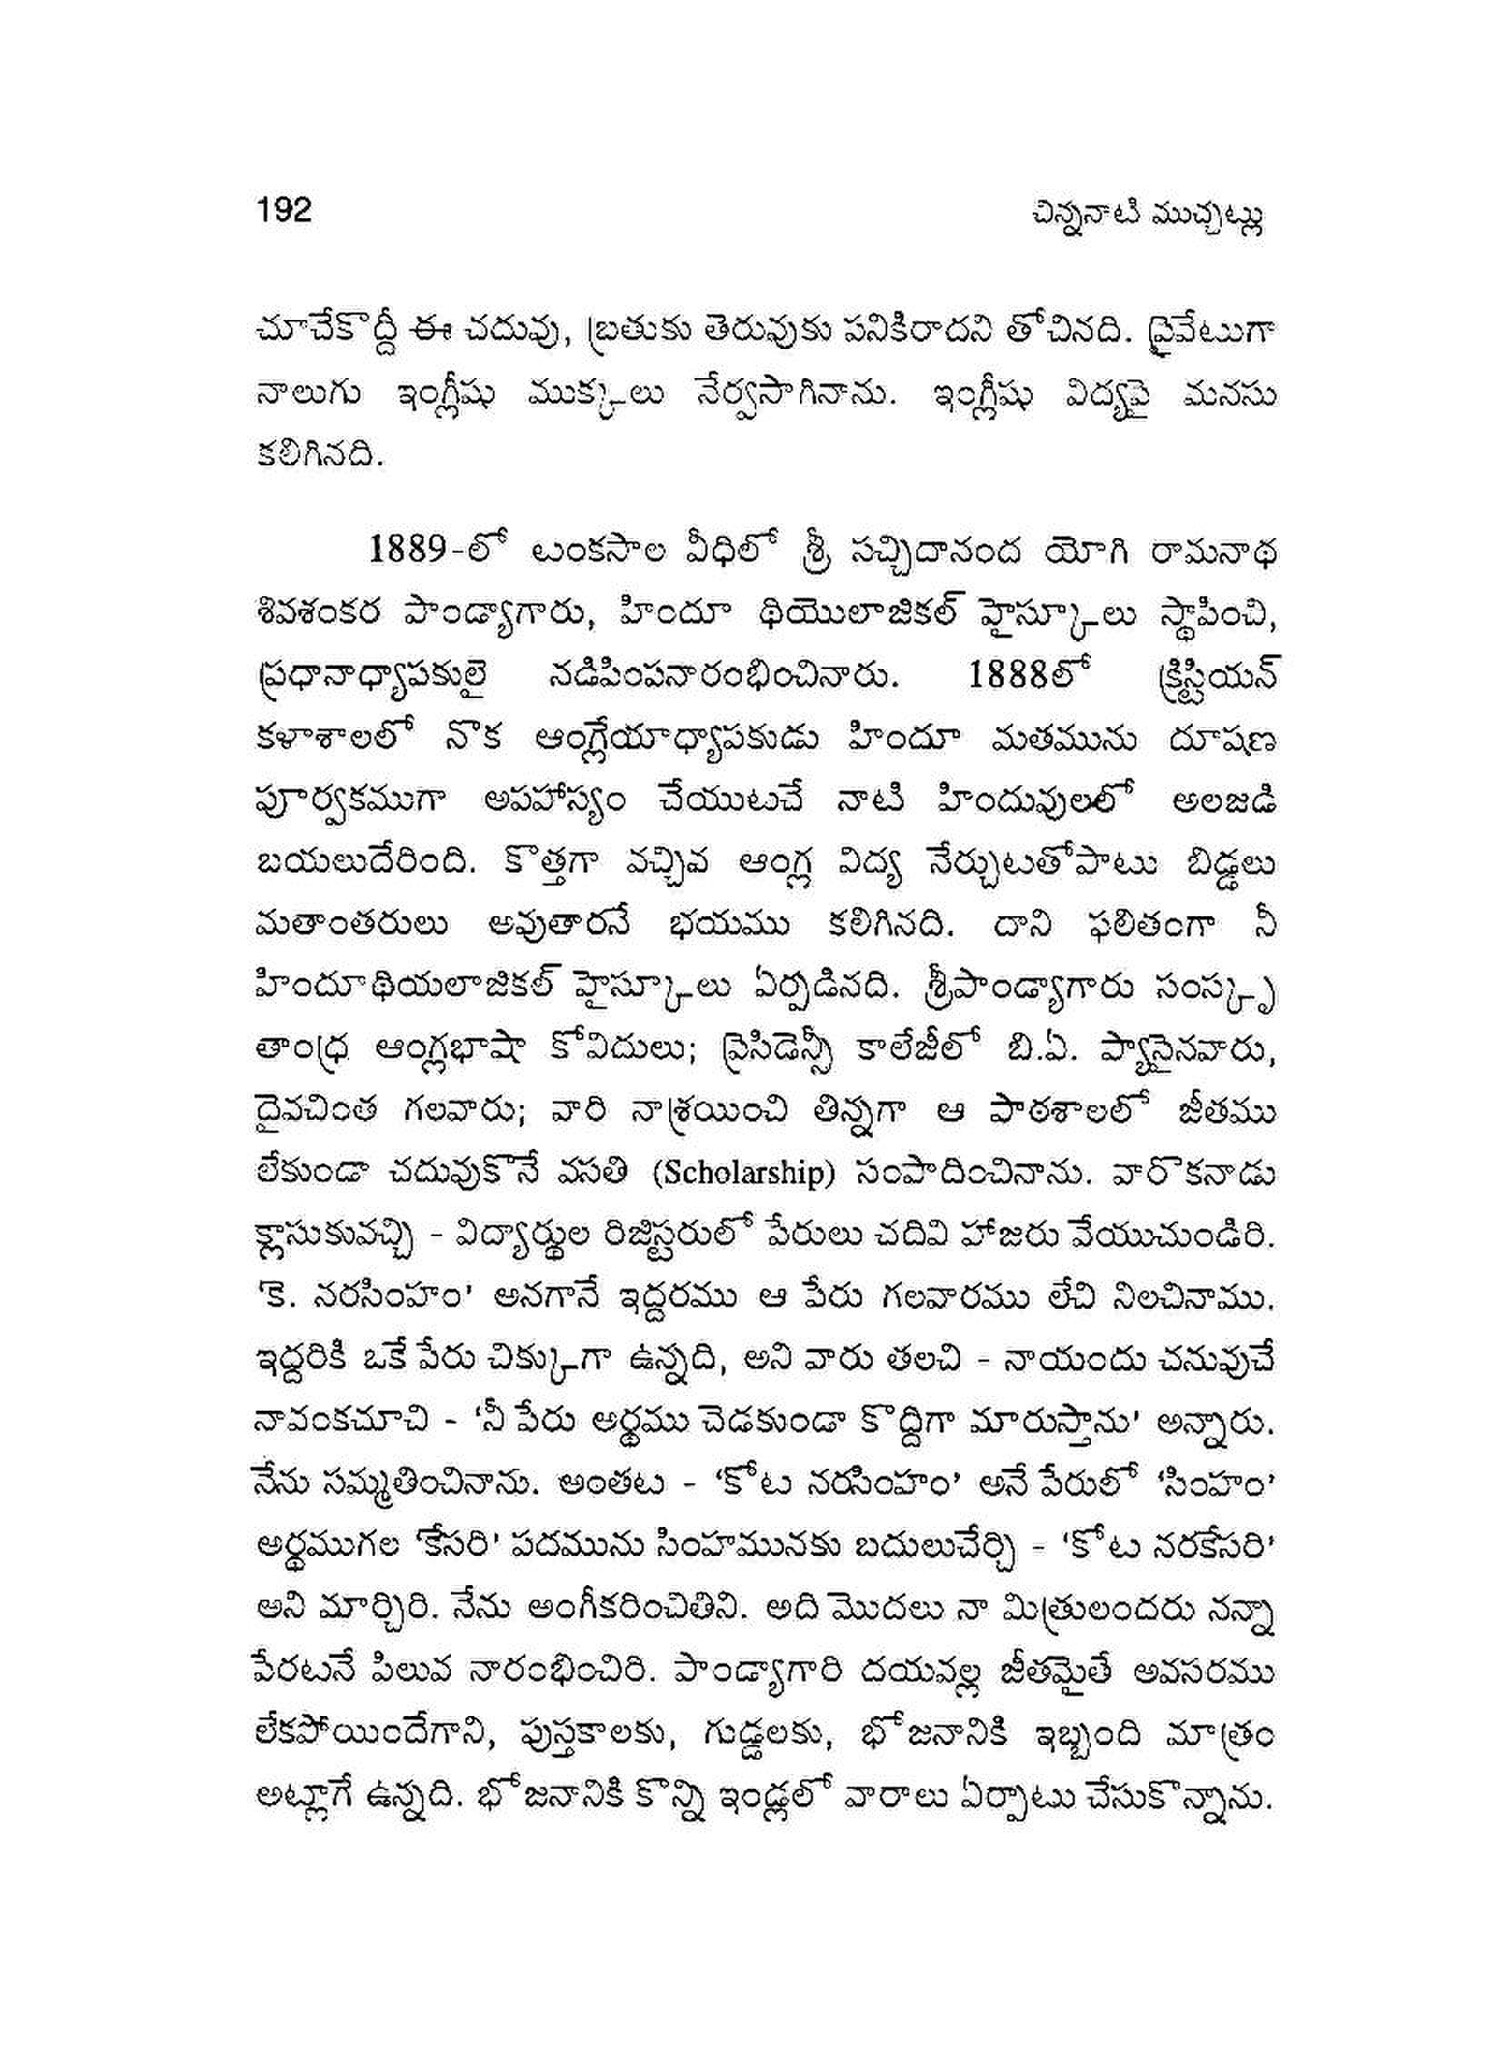చూచేకొద్దీ ఈ చదువు, బ్రతుకు తెరువుకు పనికిరాదని తోచినది. ప్రైవేటుగా నాలుగు ఇంగ్లీషు ముక్కలు నేర్వసాగినాను. ఇంగ్లీషు విద్యపై మనసు కలిగినది.

1889-లో టంకసాల వీధిలో శ్రీ సచ్చిదానంద యోగి రామనాథ శివశంకర పాండ్యాగారు, హిందూ థియొలాజికల్ హైస్కూలు స్థాపించి, ప్రధానాధ్యాపకులై నడిపింపనారంభించినారు. 1888లో క్రిస్టియన్ కళాశాలలో నొక ఆంగ్లేయాధ్యాపకుడు హిందూ మతమును దూషణ పూర్వకముగా అపహాస్యం చేయుటచే నాటి హిందువులలో అలజడి బయలుదేరింది. కొత్తగా వచ్చివ ఆంగ్ల విద్య నేర్చుటతోపాటు బిడ్డలు మతాంతరులు అవుతారనే భయము కలిగినది. దాని ఫలితంగా నీ హిందూథియలాజికల్ హైస్కూలు ఏర్పడినది. శ్రీపాండ్యాగారు సంస్కృతాంధ్ర ఆంగ్లభాషా కోవిదులు; ప్రెసిడెన్సీ కాలేజీలో బి.ఏ. ప్యాసైనవారు, దైవచింత గలవారు; వారి నాశ్రయించి తిన్నగా ఆ పాఠశాలలో జీతము లేకుండా చదువుకొనే వసతి (Scholarship) సంపాదించినాను. వారొకనాడు క్లాసుకువచ్చి - విద్యార్థుల రిజిస్టరులో పేరులు చదివి హాజరు వేయుచుండిరి. కె. నరసింహం' అనగానే ఇద్దరము ఆ పేరు గలవారము లేచి నిలచినాము. ఇద్దరికి ఒకే పేరు చిక్కుగా ఉన్నది, అని వారు తలచి - నాయందు చనువుచే నావంకచూచి - 'నీ పేరు అర్థము చెడకుండా కొద్దిగా మారుస్తాను' అన్నారు. నేను సమ్మతించినాను. అంతట - 'కోట నరసింహం' అనే పేరులో 'సింహం' అర్థముగల 'కేసరి' పదమును సింహమునకు బదులుచేర్చి - 'కోట నరకేసరి' అని మార్చిరి. నేను అంగీకరించితిని. అది మొదలు నా మిత్రులందరు నన్నా పేరటనే పిలువ నారంభించిరి. పాండ్యాగారి దయవల్ల జీతమైతే అవసరము లేకపోయిందేగాని, పుస్తకాలకు, గుడ్డలకు, భోజనానికి ఇబ్బంది మాత్రం అట్లాగే ఉన్నది. భోజనానికి కొన్ని ఇండ్లలో వారాలు ఏర్పాటు చేసుకొన్నాను.